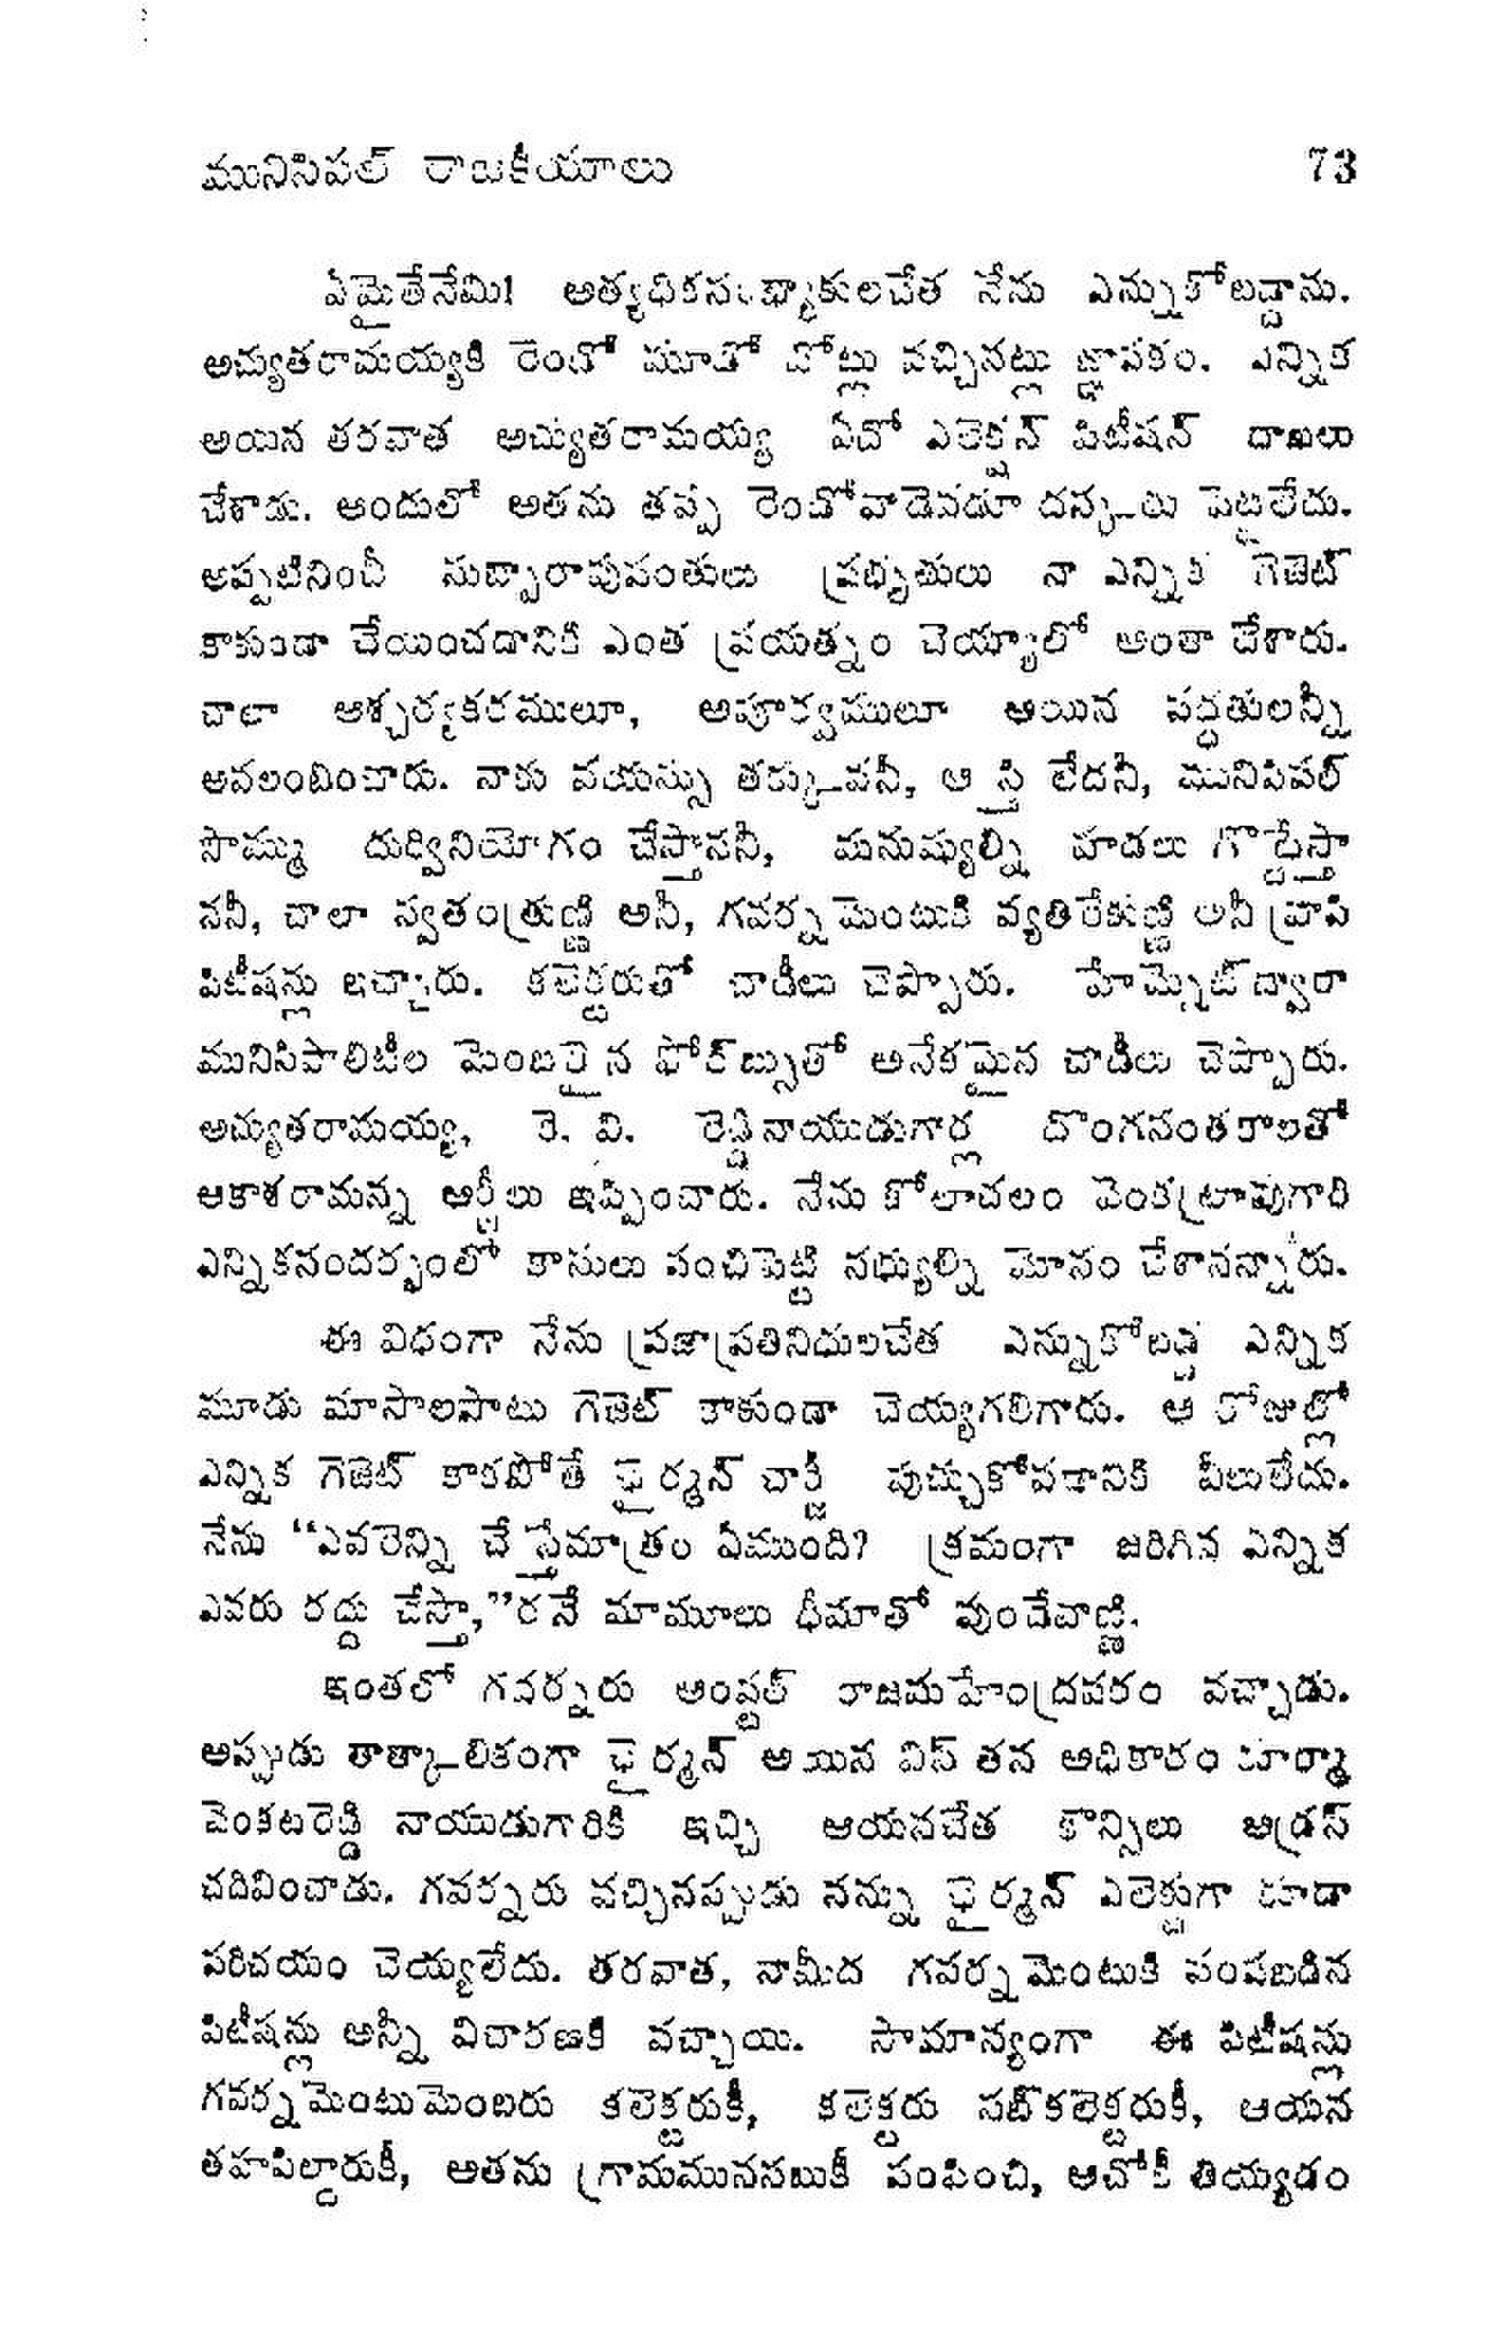ఏమైతేనేమి! అత్యధిక సంఖ్యాకులచేత నేను ఎన్నుకోబాడ్డాను. అచ్యుతరామయ్యకి రెండో మూడో వోట్లు వచ్చినట్లు జ్ఞాపకం. ఎన్నిక అయిన తరవాత అచ్యుతరామయ్య ఏదో ఎలెక్షన్ పిటీషన్ దాఖలు చేశాడు. అందులో అతను తప్ప రెండోవాడెవడూ దస్కతు పెట్టలేదు. అప్పటినించీ సుబ్బారావుపంతులు ప్రభృతులు నా ఎన్నిక గెజెట్ కాకుండా చేయించడానికి ఎంత ప్రయత్నం చెయ్యాలో అంతా చేశారు. చాలా ఆశ్చర్యకరములూ, అపూర్వములూ అయిన పద్ధతులన్నీ అవలంభించారు. నాకు వయస్సు తక్కువనీ, ఆస్తి లేదనీ, మునిసిపల్ సొమ్ము దుర్వినియోగం చేస్తాననీ, మనుష్యుల్ని హడలు గొట్టేస్తాననీ, చాలా స్వతంత్రుణ్ణి అనీ, గవర్నమెంటుకి వ్యతిరేకుణ్ణి అనీ వ్రాసి పిటీషన్లు ఇచ్చారు. కలెక్టరుతో చాడీలు చెప్పారు. హేమ్నెట్‌ ద్వారా మునిసిపాలిటీల మెంబరైన ఫోర్‌బ్సుతో అనేకమైన చాడీలు చెప్పారు. అచ్యుతరామయ్య, కె. వి. రెడ్డినాయుడుగార్ల దొంగసంతకాలతో ఆకాశరామన్న అర్జీలు ఇప్పించారు. నేను కోలాచలం వెంకట్రావుగారి ఎన్నికసందర్బంలో కాసులు పంచిపెట్టి సభ్యుల్ని మోసం చేశానన్నారు.

ఈ విధంగా నేను ప్రజా ప్రతినిధులచేత ఎన్నుకోబడ్డ ఎన్నిక మూడు మాసాలపాటు గెజెట్ కాకుండా చెయ్యగలిగారు. ఆ రోజుల్లో ఎన్నిక గెజెట్ కాకపోతే ఛైర్మన్ చార్జీ పుచ్చుకోవడానికి వీలులేదు. నేను "ఎవరెన్ని చేస్తేమాత్రం ఏముంది? క్రమంగా జరిగిన ఎన్నిక ఎవరు రద్దు చేస్తా,"రనే మామూలు ధీమాతో వుండేవాణ్ణి.

ఇంతలో గవర్నరు ఆంప్టల్ రాజమహేంద్రవరం వచ్చాడు. అప్పుడు తాత్కాలికంగా ఛైర్మన్ అయిన విప్ తన అధికారం కూర్మా వెంకటరెడ్డి నాయుడుగారికి ఇచ్చి ఆయనచేత కౌన్సిలు అడ్రస్ చదివించాడు. గవర్నరు వచ్చినప్పుడు నన్ను ఛైర్మన్ ఎలెక్టుగా కూడా పరిచయం చెయ్యలేదు. తరవాత, నామీద గవర్నమెంటుకి పంపబడిన పిటీషన్లు అన్నీ విచారణకి వచ్చాయి. సామాన్యంగా ఈ పిటీషన్లు గవర్నమెంటుమెంబరు కలెక్టరుకీ, కలెక్టరు సబ్‌కలెక్టరుకీ, ఆయన తహసిల్దారుకీ, అతను గ్రామమునసబుకీ పంపించి, ఆచోకీ తియ్యడం